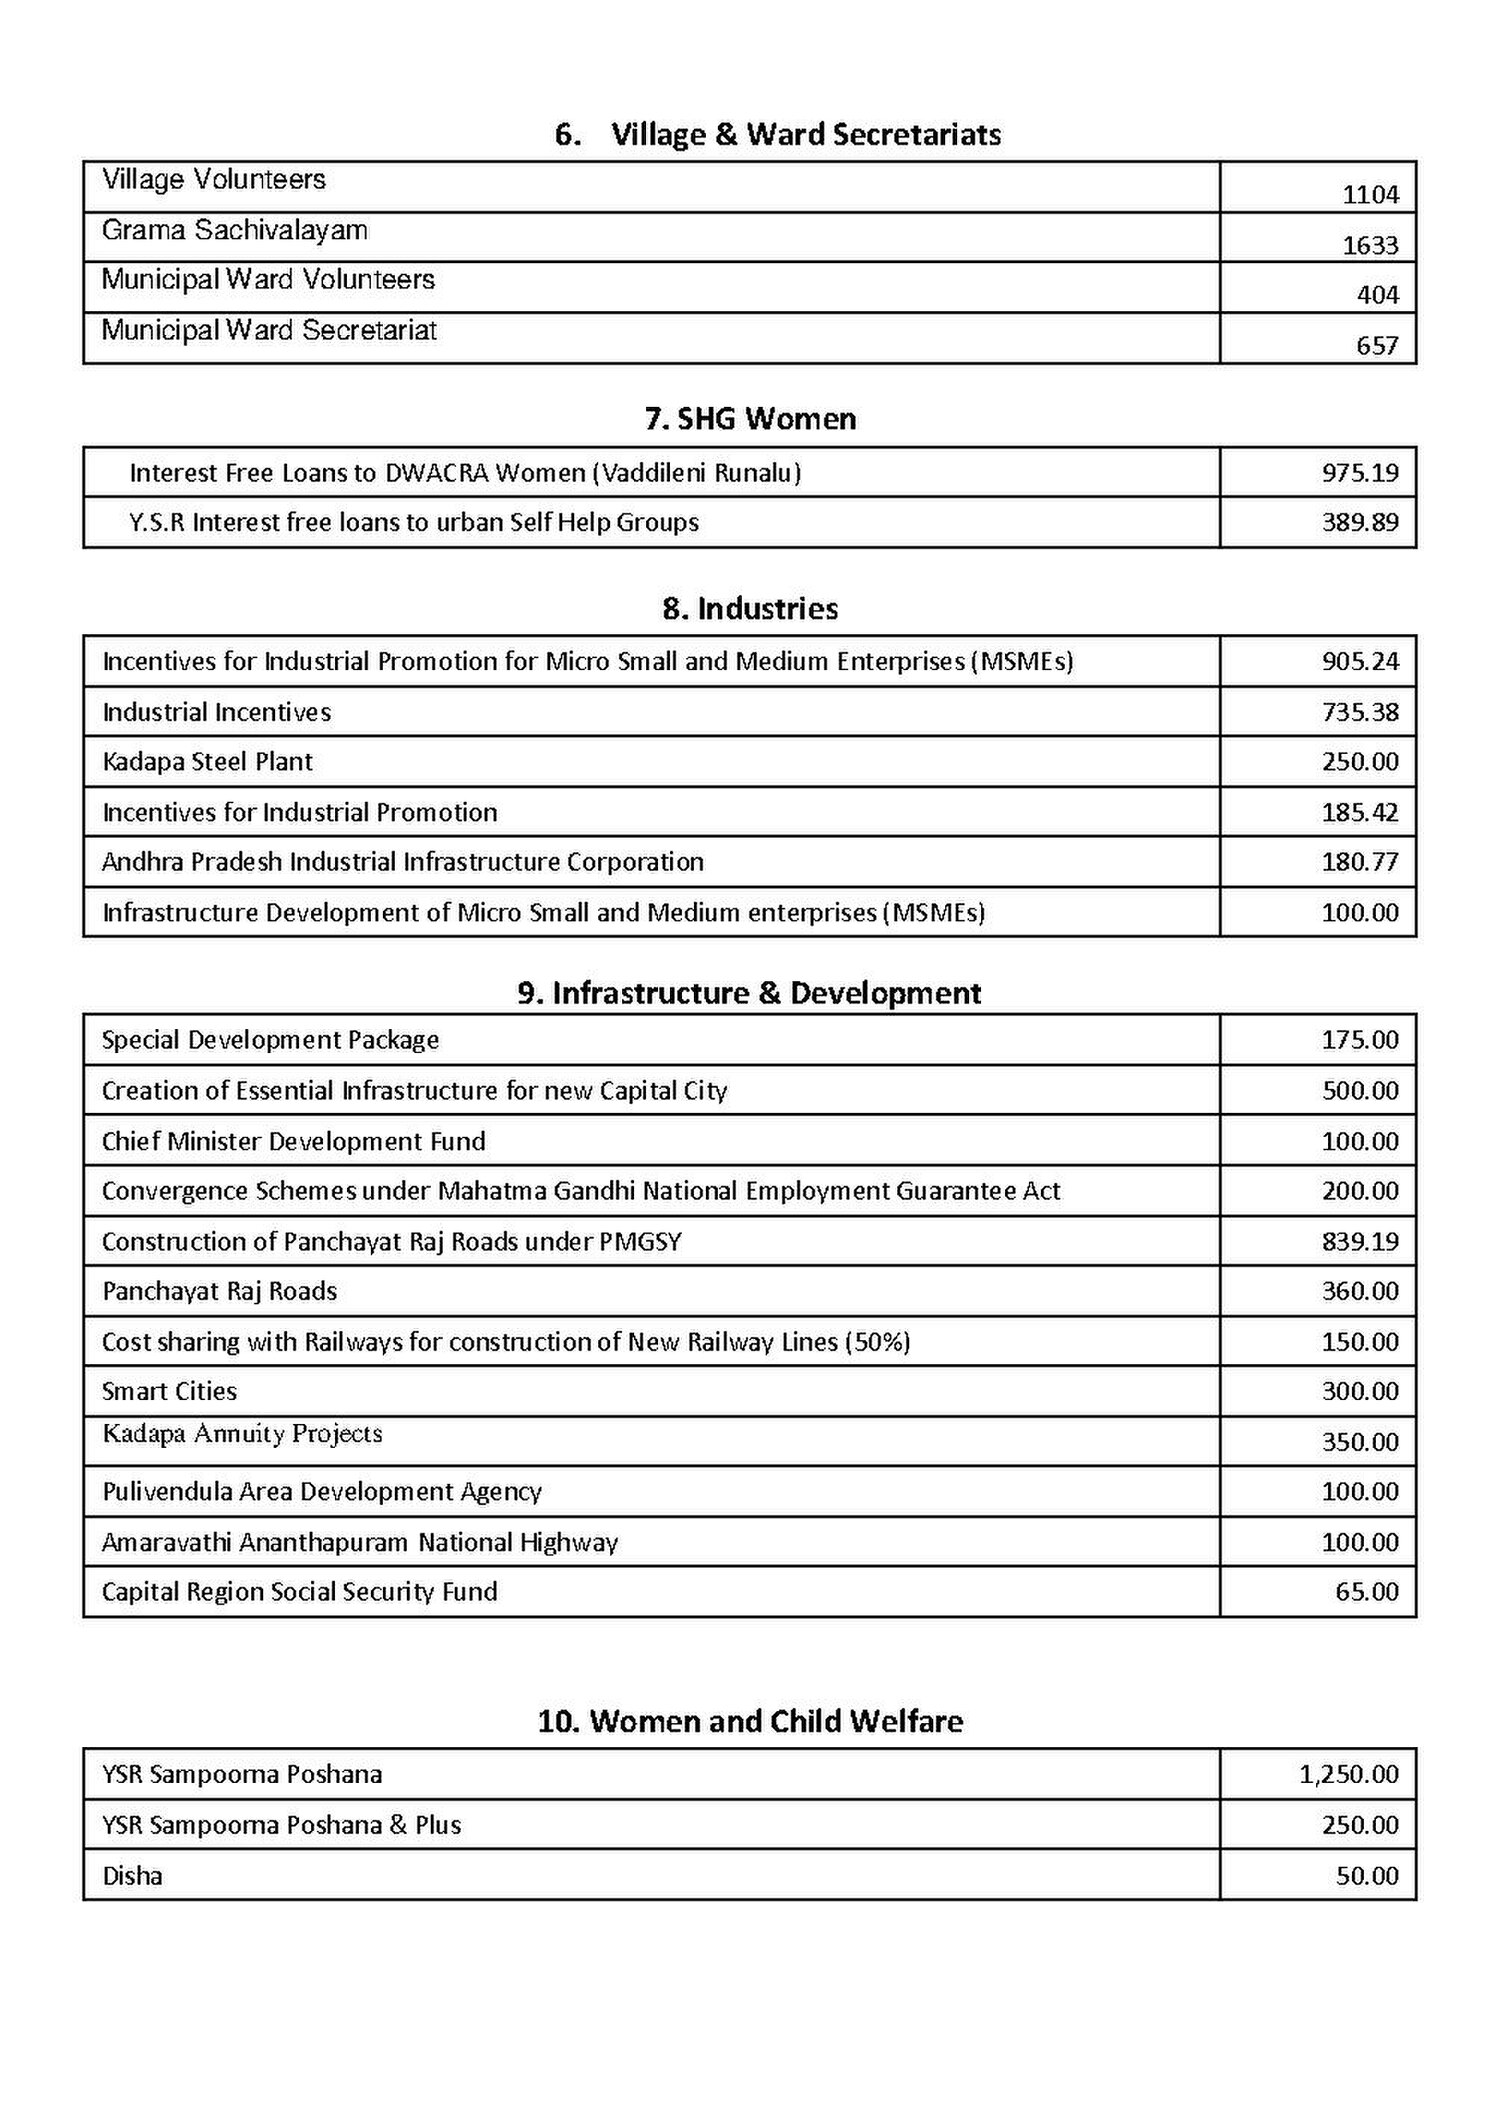6. Village & Ward Secretariats

 Village Volunteers 1104 Grama Sachivalayam 1633 Municipal Ward Volunteers 404 Municipal Ward Secretariat 657

7. SHG Women

 Interest Free Loans to DWACRA Women (Vaddileni Runalu) 975.19 Y.S.R Interest free loans to urban Self Help Groups 389.89

8. Industries

 Incentives for Industrial Promotion for Micro Small and Medium Enterprises (MSMEs) 905.24 Industrial Incentives 735.38 Kadapa Steel Plant 250 Incentives for Industrial Promotion 185.42 Andhra Pradesh Industrial Infrastructure Corporation 180.77 Infrastructure Development of Micro Small and Medium enterprises (MSMEs) 100

9. Infrastructure & Development

 Special Development Package 175 Creation of Essential Infrastructure for new Capital City 500 Chief Minister Development Fund 100 Convergence Schemes under Mahatma Gandhi National Employment Guarantee Act 200 Construction of Panchayat Raj Roads under PMGSY 839.19 Panchayat Raj Roads 360 Cost sharing with Railways for construction of New Railway Lines (50%) 150 Smart Cities 300 Kadapa Annuity Projects 350 Pulivendula Area Development Agency 100 Amaravathi Ananthapuram National Highway 100 Capital Region Social Security Fund 65

10. Women and Child Welfare

 YSR Sampoorna Poshana 1250 YSR Sampoorna Poshana & Plus 250 Disha 50